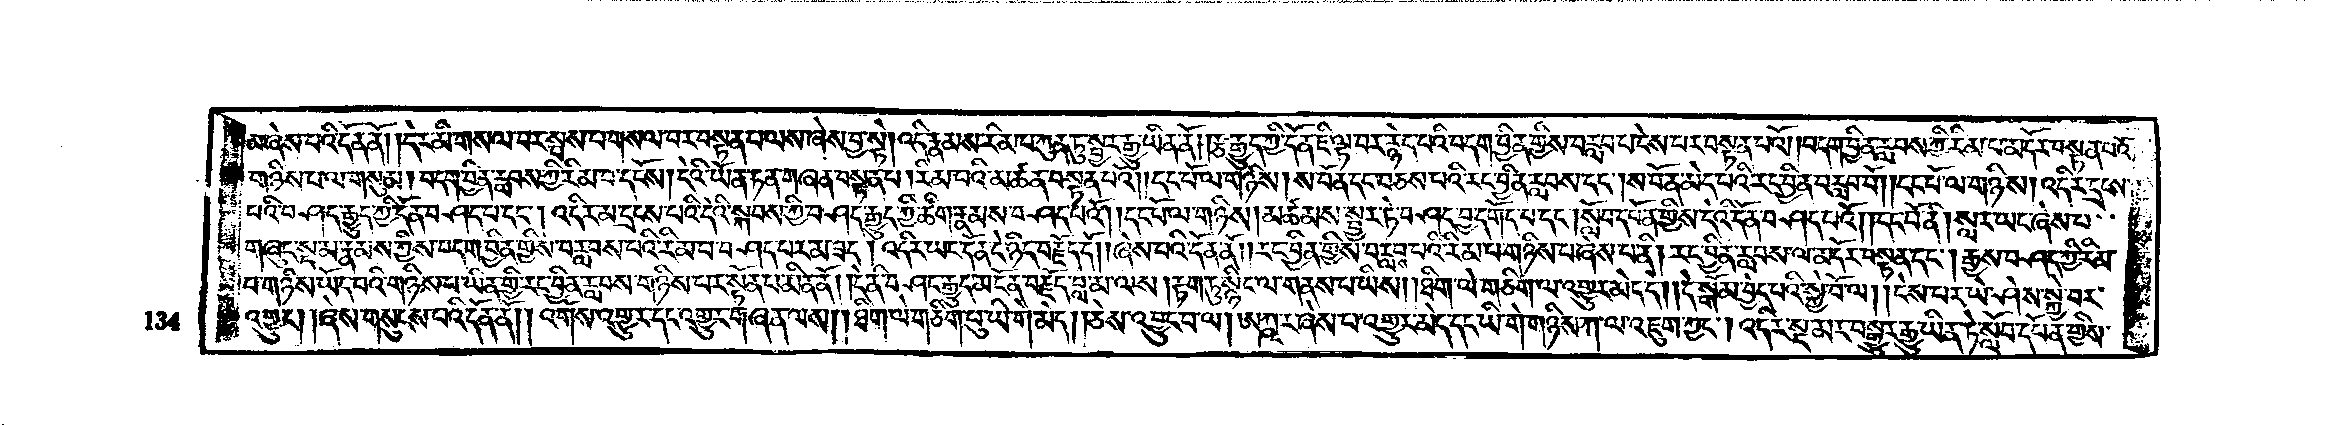མ་ཞེས་པའི་དོན་ནོ། །དེར་མི་གསལ་བར་སྦས་པ་གསལ་བར་བསྟན་པ་ལས་ཞེས་བྱ་སྟེ། འདི་རྣམས་རིམ་པ་ཀུན་ཏུ་སྦྱར་རྒྱུ་ཡིན་ནོ། །རྩ་རྒྱུད་ཀྱི་དོན་ཇི་ལྟར་བར་རྙེད་པའི་བདག་བྱིན་གྱིས་བརླབ་པ་ངེས་པར་བསྟན་པའོ། །བདག་བྱིན་རླབས་ཀྱི་རིམ་པ་མདོར་བསྟན་པའོ། །
གཉིས་པ་ལ་གསུམ། བདག་བྱིན་རླབས་ཀྱི་རིམ་པ་དངོས། དེའི་ཡོན་ཏན་གཞན་བསྟན་པ། རིམ་པའི་མཚན་བསྟན་པའོ། །དང་པོ་ལ་གཉིས། ས་བོན་དང་བཅས་པའི་རང་བྱིན་རླབས་དང་། ས་བོན་མེད་པའི་རང་བྱིན་བརླབ་བོ། །དང་པོ་ལ་གཉིས། འདིར་དྲངས་
པའི་བཤད་རྒྱུད་ཀྱི་དོན་བཤད་པ་དང་། འདིར་མ་དྲངས་པའི་དེའི་སྐབས་ཀྱི་བཤད་རྒྱུད་ཀྱི་ཚིག་རྣམས་བཤད་པའོ། །དང་པོ་ལ་གཉིས། མཚམས་སྦྱར་ཏེ་བཤད་བྱ་དགོད་པ་དང་། སློབ་དཔོན་གྱིས་དེའི་དོན་བཤད་པའོ། །དང་པོ་ནི། སླར་ཡང་ཞེས་པ་
གཞུང་སྔ་མ་རྣམས་ཀྱིས་བདག་བྱིན་གྱིས་བརླབས་པའི་རིམ་པ་བཤད་པར་མ་ཟད། འདིར་ཡང་དོན་དེ་ཉིད་བརྗོད་དོ། །ཞེས་པའི་དོན་ནོ། །རང་བྱིན་གྱིས་བརླབས་པའི་རིམ་པ་གཉིས་པ་ཞེས་པ་ནི། རང་བྱིན་རླབས་ལ་མདོར་བསྟན་དང་། རྒྱས་བཤད་ཀྱི་རིམ་
པ་གཉིས་ཡོད་པའི་གཉིས་པ་ཡིན་གྱི་རང་བྱིན་རླབས་གཉིས་པར་སྟོན་པ་མིན་ནོ། །དེ་ནི་བཤད་རྒྱུད་མངོན་བརྗོད་བླ་མ་ལས། རྟག་ཏུ་སྙིང་ལ་གནས་པ་ཡིས། །ཐིག་ལེ་གཅིག་ལ་འགྱུར་མེད་དེ། །དེ་སྒོམ་བྱེད་པའི་སྐྱེ་བོ་ལ། །ངེས་པར་ཡེ་ཤེས་སྐྱེ་བར་
འགྱུར། །ཞེས་གསུངས་པའི་དོན་ནོ། །འགོས་འགྱུར་དང་འགྱུར་གཞན་ལས། །ཐིག་ལེ་གཅིག་པུ་ཡི་གེ་མེད། །ཅེས་འབྱུང་བ་ལ། ཨཀྵ་ར་ཞེས་པ་འགྱུར་མེད་དང་ཡི་གེ་གཉིས་ཀ་ལ་འཇུག་ཀྱང་། འདིར་སྔ་མར་བསྒྱུར་རྒྱུ་ཡིན་ཏེ་སློབ་དཔོན་གྱིས་